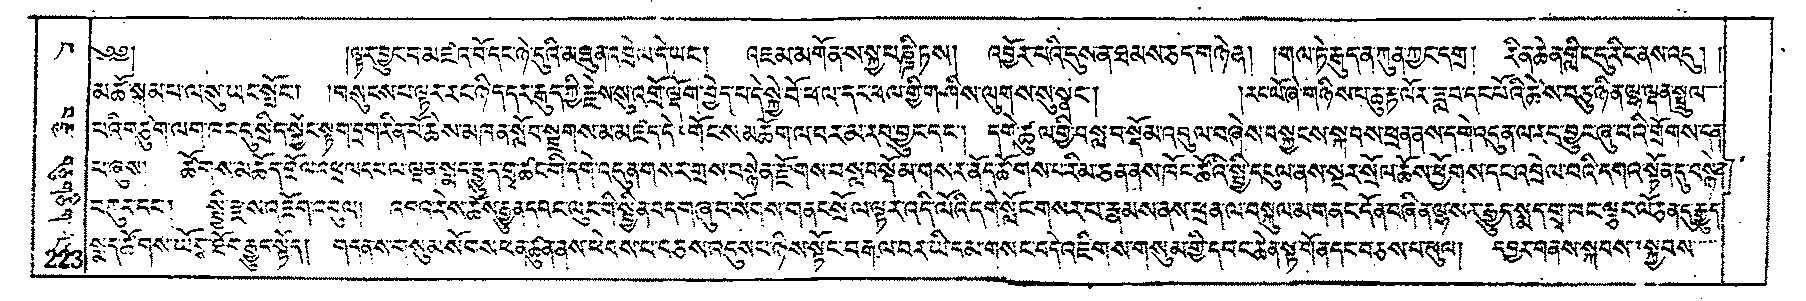༄༅། །ལྟར་བྱུང་བ་མཛའ་བོ་དང་ཉེ་དུའི་མཐུན་འབྲེལ་དེ་ཡང་། འཇམ་མགོན་ས་སྐྱ་པཎྜི་ཏས། འབྱོར་པའི་དུས་ན་ཐམས་ཅད་གཉེན། །གལ་ཏེ་རྒུད་ན་ཀུན་ཀྱང་དགྲ། རིན་ཆེན་གླིང་དུ་རིང་ནས་འདུ། །
མཚོ་སྐམ་པ་ལ་སུ་ཡང་སྤོང་། །གསུངས་པ་ལྟར་རང་ཉིད་དར་རྒུད་ཀྱི་རྗེས་སུ་འགྲོ་ལྡོག་བྱེད་པ་དེ་སྐྱེ་བོ་ཕལ་དང་ཕལ་གྱི་གཤིས་ལུགས་སུ་སྣང་། །རང་ལོ་ཞེ་གཉིས་པ་ཆུ་རྟ་ལོར་ཟླ་བ་དང་པོའི་ཚེས་བཅུ་ཉིན་ལྷ་ལྡན་སྤྲུལ་
པའི་གཙུག་ལག་ཁང་དུ་སྲིད་སྐྱོང་སྟག་བྲག་རིན་པོ་ཆེས་མཁན་སློབ་སྦྲགས་མ་མཛད་དེ་༧གོང་ས་མཆོག་ལ་བར་མ་རབ་བྱུང་དང་། དགེ་ཚུལ་གྱི་བསླབ་སྡོམ་འབུལ་བཞེས་བསྐྱངས་སྐབས་ཕྲན་ནས་དགེ་འདུན་ལ་རབ་བྱུང་ཞུ་བའི་གྲོགས་དན་
པ་ཞུས། ཚོགས་མཆོད་གྲོལ་འཕྲལ་དཔལ་ལྡན་སྨད་རྒྱུད་གྲྭ་ཚང་གི་དགེ་འདུན་གསར་གྲས་བསྙེན་རྫོགས་བསླབ་སྡོམ་གསར་ནོད་ཚོགས་པ་རིམ་ཅན་ནས་ཁོང་ཚོའི་སྤྱི་དངུལ་ནས་སྔར་སྲོལ་ཆོས་ཕྱོགས་དང་འབྲེལ་བའི་དགའ་སྟོན་དུ་བསྙེན་
བཀུར་དང་། སྤྱི་རྫས་འཇོག་འབུལ། འགའ་རེས་ཆོས་རྒྱུན་དབང་ལུང་གི་སྦྱིན་བདག་ཞུ་བ་སོགས་གནང་སྲོལ་ལྟར་འདི་ལོའི་དགེ་སློང་གསར་པ་རྣམས་ནས་ཕྲན་ལ་བསྐུལ་མ་གནང་དོན་བཞིན་ལྷ་སར་རྒྱུད་སྨད་གྲྭ་ཁང་ལྕང་ལོ་ཅན་དུ་རྒྱུད་
སྨད་ཚོགས་ཡོངས་ཐོག་རྒྱུད་སྟོད། གདན་ས་གསུམ་སོགས་ཕན་ཚུན་ནས་ཕེབས་པ་བཅས་འདུས་པ་ཉིས་སྟོང་བརྒལ་བར་ཡི་དམ་གསང་བདེ་འཇིགས་གསུམ་གྱི་དབང་ཆེན་སྟ་གོན་དང་བཅས་པ་ཕུལ། དབྱར་གནས་སྐབས་༧སྐྱབས་